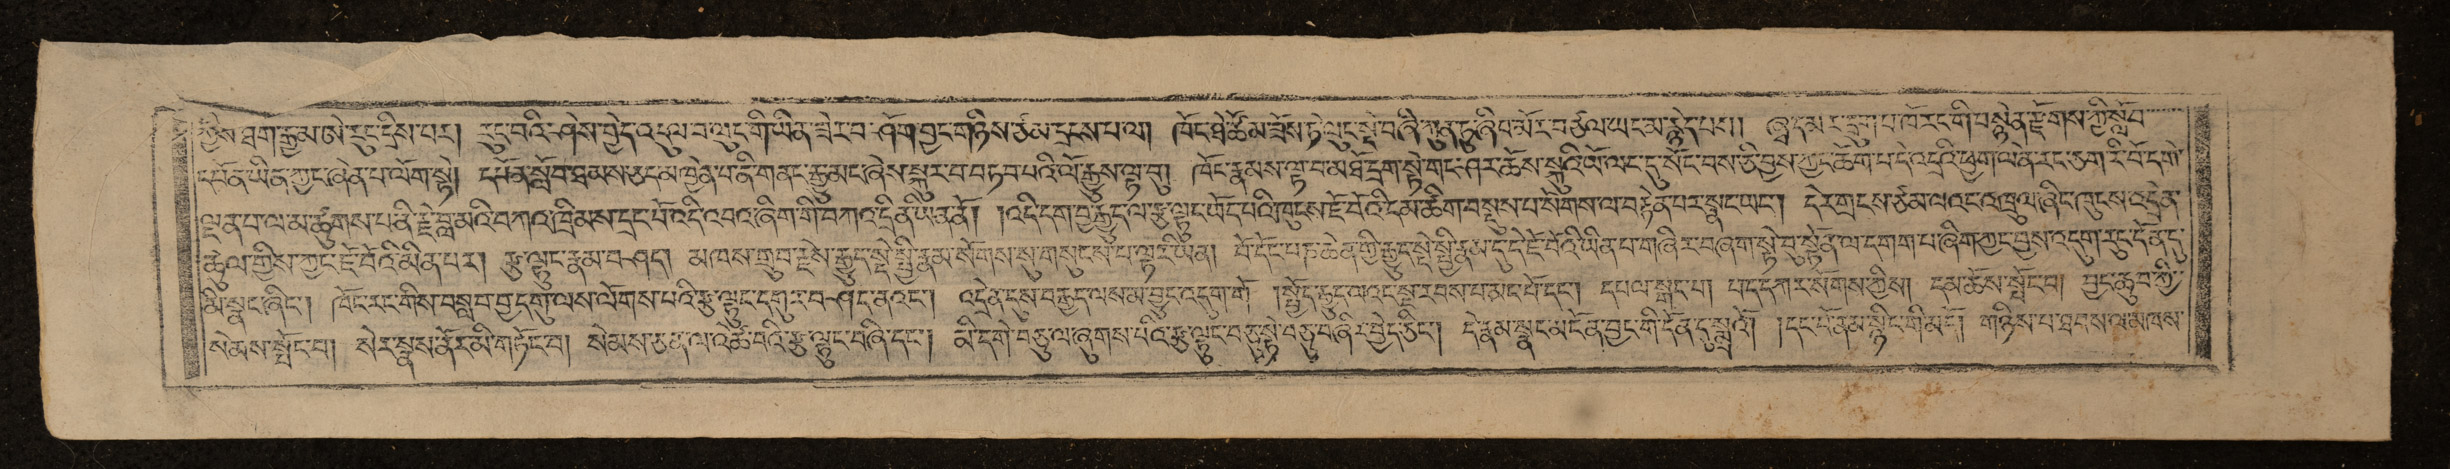ཀྱིས་ཐག་རྒྱས་ཨེ་རུང་བྲིས་བར། རུང་བའི་ཤེས་བྱེད་འདུལ་བ་ལུང་གི་ཡིན་ཟེར་བ་ཤོག་བྱང་གཉིས་ཙམ་དྲངས་པ་ལ། ཁོང་ཐེ་ཚོམ་ཟོས་ཏེ་ལུང་སྡེ་བཞི་མུན་ཏུ་ཞིབ་མོར་བཙལ་ཡང་མ་རྙེད་པས། ཤྭ་དམར་དྲུག་པ་ཁོ་རང་གི་བསྙེན་རྫོགས་ཀྱི་སློབ་
དཔོན་ཡིན་ཀྱང་ཞེན་པ་ལོག་སྟེ། དཔོན་སློབ་ཐམས་ཅད་མཁྱེན་པ་ནི་གནང་རྒྱུ་མང་ཞེས་སྐུར་པ་བཏབ་པའི་ལོ་རྒྱུས་ལྟ་བུ། ཁོང་རྣམས་ལྟ་བ་མཐོ་དྲག་སྟེ་གང་ཤར་ཆོས་སྐུའི་ཡོ་ལང་དུ་སོང་བས་ཅི་བྱས་ཀྱང་ཆོག་པ་དེ་འདྲའི་ཕྱག་ལེན་རང་ཅག་རི་བོ་དགེ་
ལྡན་པ་ལ་མ་ཚུགས་པ་ནི་རྗེ་བླ་མའི་བཀའ་ཁྲིམས་དྲང་པོ་འདི་འབའ་ཞིག་གི་བཀའ་དྲིན་ཡིན་ནོ། །འདི་དག་བྱ་རྒྱུད་ལ་རྩ་ལྟུང་ཡོད་པའི་ཁུངས་ཇོ་བོའི་དམ་ཚིག་བསྡུས་བ་སོགས་ལ་བརྟེན་པར་སྣང་ཡང་། དེར་གྲངས་ཙམ་ལའང་འཁྲུལ་ཞིང་ཁུངས་འདྲེན་
ཚུལ་གྱིས་ཀྱང་ཇོ་བོའི་མིན་པར། རྩ་ལྟུང་རྣམ་བཤད། མཁས་གྲུབ་རྗེས་རྒྱུད་སྡེ་སྤྱི་རྣམ་སོགས་སུ་གསུངས་པ་ལྟར་ཡིན། བོ་དོང་པཎ་ཆེན་གྱི་རྒྱུད་སྡེ་སྤྱི་རྣམ་དུ་དེ་ཇོ་བོའི་ཡིན་པ་གཞིར་བཞག་སྟེ་བུ་སྟོན་ལ་དགག་པ་ཞིག་ཀྱང་བྱས་འདུག་རུང་དོན་དུ་
མི་སྣང་ཞིང་། ཁོང་རང་གིས་བསླབ་བྱ་དགུ་ལས་ལོགས་པའི་རྩ་ལྟུང་དགུར་བཤད་ནའང་། འདྲེན་དུས་བརྒྱད་ལས་མ་བྱུང་འདུག་གོ །སྤྱོད་རྒྱུད་ལའང་སྔ་རབས་པ་ནང་པོ་དང་། དཔལ་སྡང་པ། པད་དཀར་སོགས་ཀྱིས། དམ་ཆོས་སྤོང་བ། བྱང་ཆུབ་ཀྱི་
སེམས་སྤོང་བ། སེར་སྣས་ནོར་མི་གཏོང་བ། སེམས་ཅན་ལ་འཚེ་བའི་རྩ་ལྟུང་བཞི་དང་། མི་དགེ་བཅུ་ལ་ཞུགས་པའི་རྩ་ལྟུང་བཅུ་སྟེ་བཅུ་བཞིར་བྱེད་ཅིང་། དེ་རྣམ་སྣང་མངོན་བྱང་གི་དོན་དུ་སྨྲའོ། དང་པོ་ན་མ་སྙིང་གི་མདོ། གཉིས་པ་ཐབས་ལ་མཁས་